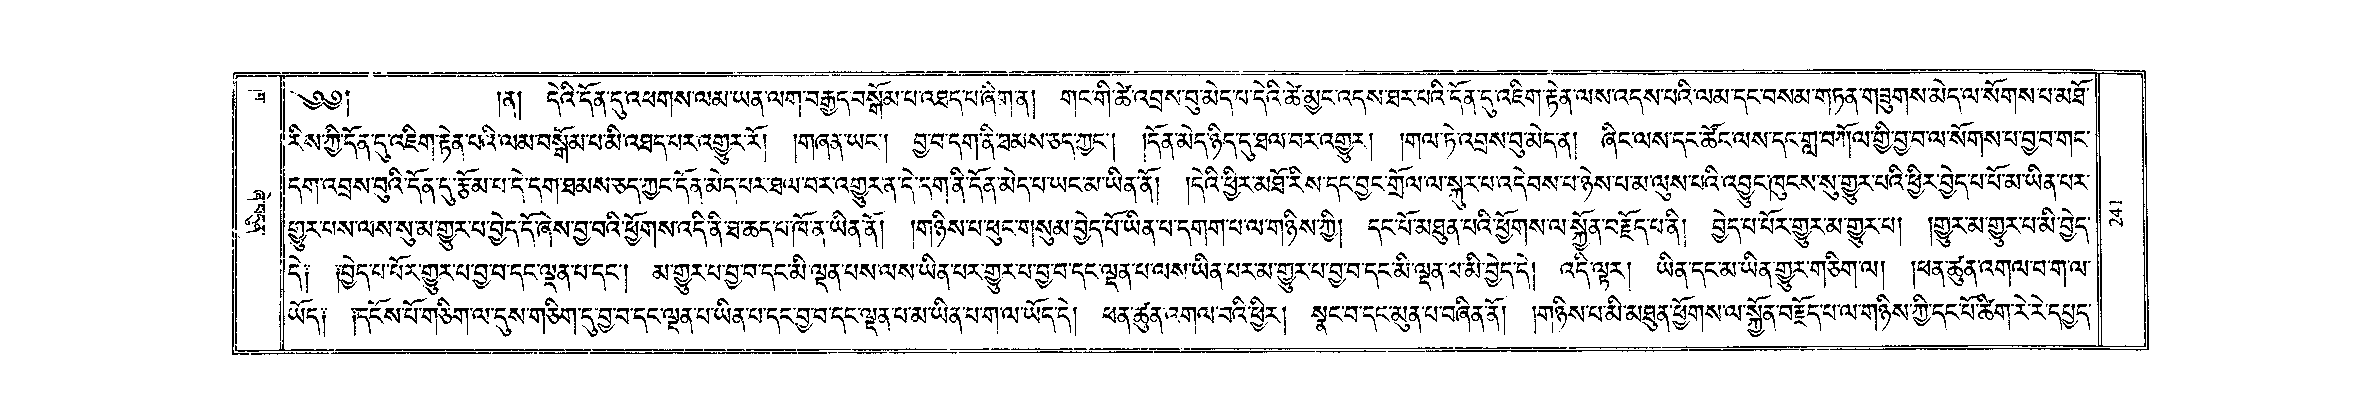༄༅། །ན། དེའི་དོན་དུ་འཕགས་ལམ་ཡན་ལག་བརྒྱད་བསྒོམ་པ་འཐད་པ་ཞིག་ན། གང་གི་ཚེ་འབྲས་བུ་མེད་པ་དེའི་ཚེ་མྱང་འདས་ཐར་པའི་དོན་དུ་འཇིག་རྟེན་ལས་འདས་པའི་ལམ་དང་བསམ་གཏན་གཟུགས་མེད་ལ་སོགས་པ་མཐོ་
རིས་ཀྱི་དོན་དུ་འཇིག་རྟེན་པའི་ལམ་བསྒོམ་པ་མི་འཐད་པར་འགྱུར་རོ། །གཞན་ཡང་། བྱ་བ་དག་ནི་ཐམས་ཅད་ཀྱང་། །དོན་མེད་ཉིད་དུ་ཐལ་བར་འགྱུར། །གལ་ཏེ་འབྲས་བུ་མེད་ན། ཞིང་ལས་དང་ཚོང་ལས་དང་གླ་བཀོལ་གྱི་བྱ་བ་ལ་སོགས་པ་བྱ་བ་གང་
དག་འབྲས་བུའི་དོན་དུ་རྩོམ་པ་དེ་དག་ཐམས་ཅད་ཀྱང་དོན་མེད་པར་ཐལ་བར་འགྱུར་ན་དེ་དག་ནི་དོན་མེད་པ་ཡང་མ་ཡིན་ནོ། །དེའི་ཕྱིར་མཐོ་རིས་དང་བྱང་གྲོལ་ལ་སྐུར་པ་འདེབས་པ་ཉེས་པ་མ་ལུས་པའི་འབྱུང་ཁུངས་སུ་གྱུར་པའི་ཕྱིར་བྱེད་པ་པོ་མ་ཡིན་པར་
གྱུར་པས་ལས་སུ་མ་གྱུར་པ་བྱེད་དོ་ཞེས་བྱ་བའི་ཕྱོགས་འདི་ནི་ཐ་ཆད་པ་ཁོ་ན་ཡིན་ནོ། །གཉིས་པ་ཕུང་གསུམ་བྱེད་པོ་ཡིན་པ་དགག་པ་ལ་གཉིས་ཀྱི། དང་པོ་མཐུན་པའི་ཕྱོགས་ལ་སྐྱོན་བརྗོད་པ་ནི། བྱེད་པ་པོར་གྱུར་མ་གྱུར་པ། །གྱུར་མ་གྱུར་པ་མི་བྱེད་
དེ༑ ༑བྱེད་པ་པོར་གྱུར་པ་བྱ་བ་དང་ལྡན་པ་དང་། མ་གྱུར་པ་བྱ་བ་དང་མི་ལྡན་པས་ལས་ཡིན་པར་གྱུར་པ་བྱ་བ་དང་ལྡན་པ་ལས་ཡིན་པར་མ་གྱུར་པ་བྱ་བ་དང་མི་ལྡན་པ་མི་བྱེད་དེ། འདི་ལྟར། ཡིན་དང་མ་ཡིན་གྱུར་གཅིག་ལ། །ཕན་ཚུན་འགལ་བ་ག་ལ་
ཡོད༑ ༑དངོས་པོ་གཅིག་ལ་དུས་གཅིག་དུ་བྱ་བ་དང་ལྡན་པ་ཡིན་པ་དང་བྱ་བ་དང་ལྡན་པ་མ་ཡིན་པ་ག་ལ་ཡོད་དེ། ཕན་ཚུན་འགལ་བའི་ཕྱིར། སྣང་བ་དང་མུན་པ་བཞིན་ནོ། །གཉིས་པ་མི་མཐུན་ཕྱོགས་ལ་སྐྱོན་བརྗོད་པ་ལ་གཉིས་ཀྱི་དང་པོ་ཚིག་རེ་རེ་དཔྱད་